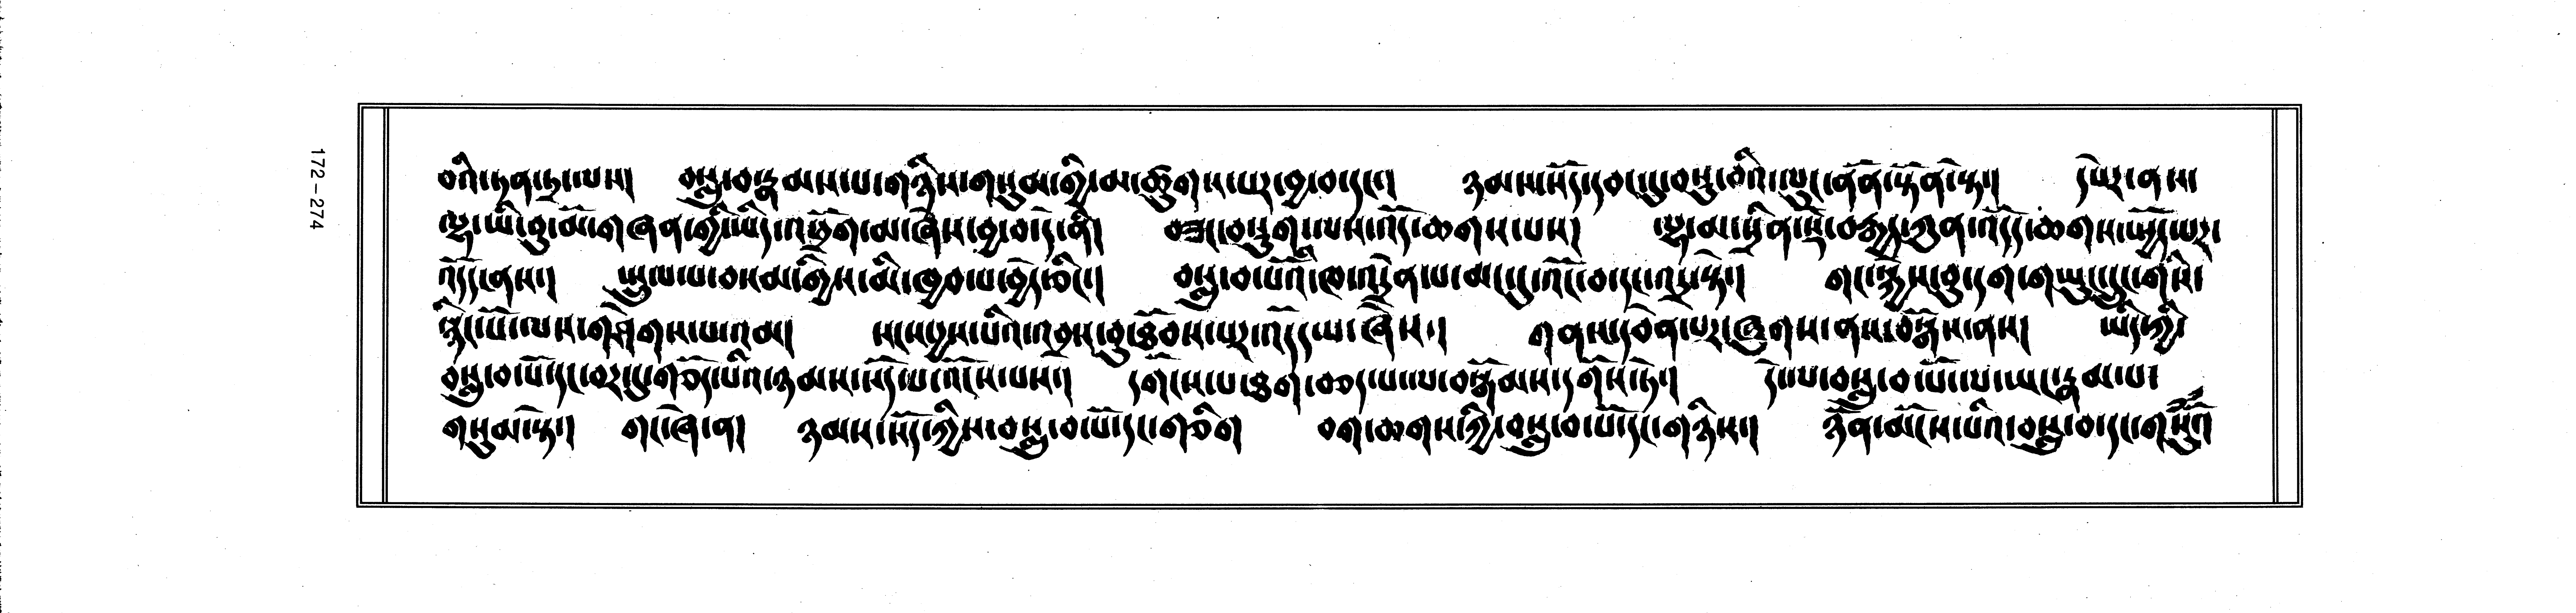བའི་ཏན་ཏྲ་ལས། བསླུ་བ་རྣམ་པ་གཉིས་གསུམ་གྱི་མ་ཚུགས་པར་བྱ་བ་དང་། ཉམས་སོད་དབང་དུ་བསྡུ་བའི་ལུང་ནོན་སྟོན་སྟེ། དཔེར་ནས་
ལྷ་ཡི་བུ་མོ་གཞན་གྱི་ཡིད་འཕྲོག་མ་ཞེས་བྱ་བ་དེ་ནི། བཟང་བསྡུག་ལས་འོད་ཆགས་པས། ལྷ་མ་སྲིན་སྡེ་བརྒྱད་ཀུན་འདོད་ཆགས་སྤྱོད་པར་
འདོད་ནས། སྤྲུལ་པ་བསམ་གྱིས་མི་ཁྱབ་པ་བྱེད་ཅིང་། བསླུ་བ་པོའི་ཁ་འདྲེན་པ་མང་དུ་འོང་བ་དང་འདྲ་སྟེ། གང་སྐྱེས་བུ་དག་གཡུང་དྲུང་གིས་
སྙིང་པོ་ལས་གཤེགས་པ་འམ། སངས་རྒྱས་པའི་འབྲས་བུ་ཐོབས་པར་འདོད་པ་ཞེས། གནས་དབེན་པར་ཞུགས་ནས་བསྒོམ་ནས། ཡིད་ཀྱི་
བསླུ་བ་པོ་དང་བར་དུ་གཅོད་པའི་ཉམས་སོད་པ་འོངས་པས། དགོངས་པ་ཐག་བཅད་པ་ལ་བསྒོམས་དགོས་ཏེ། དེ་ལ་བསླུ་བ་པོ་ལ་ཡང་རྣམ་པ་
གསུམ་སྟེ། གང་ཞེ་ན། ཉམས་སོད་ཀྱིས་བསླུ་བ་པོ་དང་གཅིག བག་ཆགས་ཀྱི་བསླུ་བ་པོ་དང་གཉིས། ཉོན་མོངས་པའི་བསླུ་བ་དང་གསུམ་མོ།